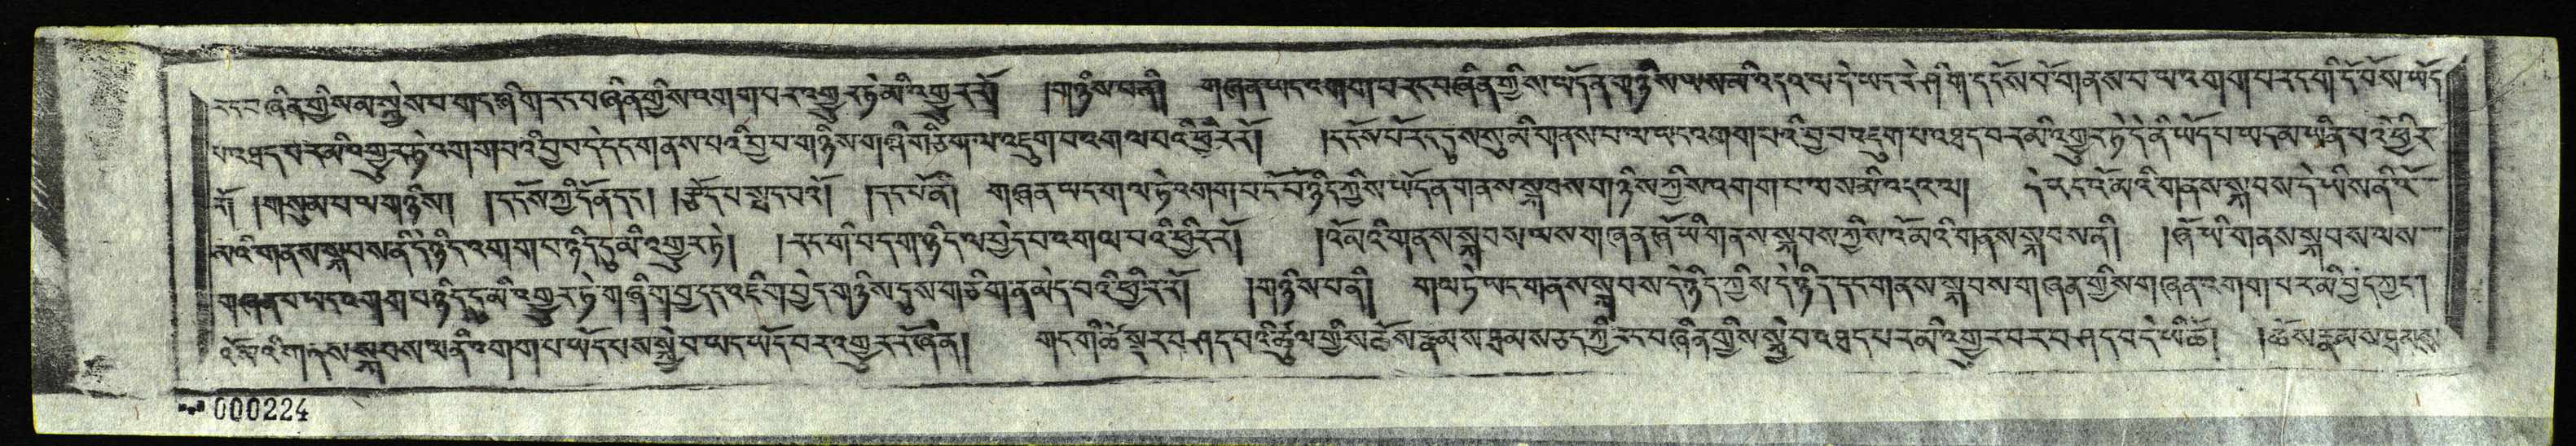རང་བཞིན་གྱིས་མ་སྐྱེས་བ་གང་ཞིག་རང་བཞིན་གྱིས་འགག་པར་འགྱུར་ཏེ་མི་འགྱུར་རོ། །གཉིས་པ་ནི། གཞན་ཡང་འགག་པ་རང་བཞིན་གྱིས་ཡོད་ན་གཉིས་ལས་མི་འདའ་ལ་དེ་ཡང་རེ་ཤིག་དངོས་པོ་གནས་པ་ལ་འགག་པ་རང་གི་ངོ་བོས་ཡོད་
པ་འཐད་པར་མི་འགྱུར་ཏེ་འགག་པའི་བྱ་བ་དེ་དང་གནས་པའི་བྱ་བ་གཉིས་གཞི་གཅིག་ལ་འཇུག་པ་འགལ་བའི་ཕྱིར་རོ། །དངོས་པོ་རང་དུས་སུ་མི་གནས་པ་ལ་ཡང་འགག་པའི་བྱ་བ་འཇུག་པ་འཐད་བར་མི་འགྱུར་ཏེ་དེ་ནི་ཡོད་པ་ཡང་མ་ཡིན་པའི་ཕྱིར་
རོ༑ ༑གསུམ་པ་ལ་གཉིས། །དངོས་ཀྱི་དོན་དང་། །རྩོད་པ་སྤང་བའོ། །དང་པོ་ནི། གཞན་ཡང་གལ་ཏེ་འགག་པ་ངོ་བོ་ཉིད་ཀྱིས་ཡོད་ན་གནས་སྐབས་གཉིས་ཀྱིས་འགག་པ་ལས་མི་འདའ་ལ། དེ་ཡང་འོ་མའི་གནས་སྐབས་དེ་ཡིས་ནི་འོ་
མའི་གནས་སྐབས་ནི་དེ་ཉིད་འགག་པ་ཉིད་དུ་མི་འགྱུར་ཏེ། །རང་གི་བདག་ཉིད་ལ་བྱེད་པ་འགལ་བའི་ཕྱིར་རོ། །འོ་མའི་གནས་སྐབས་ལས་གཞན་ཞོ་ཡི་གནས་སྐབས་ཀྱིས་འོ་མའི་གནས་སྐབས་ནི། །ཞོ་ཡི་གནས་སྐབས་ལས་
གཞན་པ་ཡང་འགག་པ་ཉིད་དུ་མི་འགྱུར་ཏེ་གཞིག་བྱ་དང་འཇིག་བྱེད་གཉིས་དུས་གཅིག་ན་མེད་པའི་ཕྱིར་རོ། །གཉིས་པ་ནི། གལ་ཏེ་ཡང་གནས་སྐབས་དེ་ཉིད་ཀྱིས་དེ་ཉིད་དང་གནས་སྐབས་གཞན་གྱིས་གཞན་འགག་པར་མི་བྱེད་ཀྱང་།
འོ་མའི་གནས་སྐབས་ལ་ནི་འགག་པ་ཡོད་པས་སྐྱེ་བ་ཡང་ཡོད་བར་འགྱུར་རོ་ཞེ་ན། གང་གི་ཚེ་སྔར་བཤད་པའི་ཚུལ་གྱིས་ཆོས་རྣམས་ཐམས་ཅད་ཀྱི་རང་བཞིན་གྱིས་སྐྱེ་བ་འཐད་པར་མི་འགྱུར་བར་བཤད་པ་དེ་ཡི་ཚེ། །ཆོས་རྣམས་ཐམས་